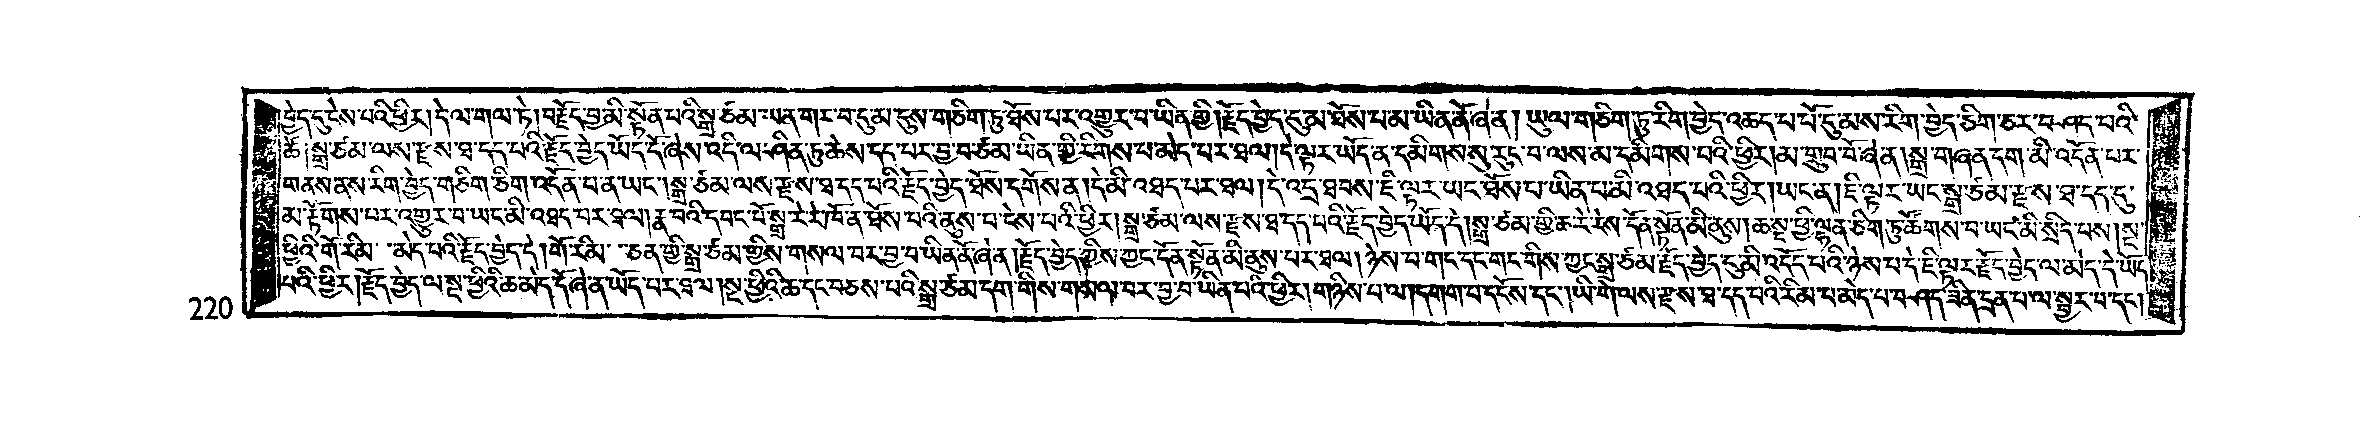བྱེད་དུ་ངེས་པའི་ཕྱིར། དེ་ལ་གལ་ཏེ། བརྗོད་བྱ་མི་སྟོན་པའི་སྒྲ་ཙམ་ཡིན་གར་བ་དུ་མ་དུས་གཅིག་ཏུ་ཐོས་པར་འགྱུར་བ་ཡིན་གྱི། རྗོད་བྱེད་དུ་མ་ཐོས་པ་མ་ཡིན་ནོ་ཞེ་ན། ཡུལ་གཅིག་ཏུ་རིག་བྱེད་འཆད་པ་པོ་དུ་མས་རིག་བྱེད་ཅིག་ཅར་བཤད་པའི་
ཚེ། སྒྲ་ཙམ་ལས་རྫས་ཐ་དད་པའི་རྗོད་བྱེད་ཡོད་དོ་ཞེས་འདི་ལ་ཤིན་ཏུ་ཆེས་དད་པར་བྱ་བ་ཙམ་ཡིན་གྱི་རིགས་པ་མེད་པར་ཐལ། དེ་ལྟར་ཡོད་ན་དམིགས་སུ་རུང་བ་ལས་མ་དམིགས་པའི་ཕྱིར། མ་གྲུབ་བོ་ཞེ་ན། སྒྲ་གཞན་དག་མི་འདོན་པར་
གནས་ནས་རིག་བྱེད་གཅིག་ཅིག་འདོན་པ་ན་ཡང་། སྒྲ་ཙམ་ལས་རྫས་ཐ་དད་པའི་རྗོད་བྱེད་ཐོས་དགོས་ན། དེ་མི་འཐད་པར་ཐལ། དེ་འདྲ་ཐབས་ཇི་ལྟར་ཡང་ཐོས་པ་ཡིན་པ་མི་འཐད་པའི་ཕྱིར། ཡང་ན། ཇི་ལྟར་ཡང་སྒྲ་ཙམ་རྫས་ཐ་དད་དུ་
མ་རྟོགས་པར་འགྱུར་བ་ཡང་མི་འཐད་པར་ཐལ། རྣ་བའི་དབང་པོ་སྒྲ་རེ་རེ་ཁོ་ན་ཐོས་པའི་ནུས་པ་ངེས་པའི་ཕྱིར། སྒྲ་ཙམ་ལས་རྫས་ཐ་དད་པའི་རྗོད་བྱེད་ཡོད་དེ། སྒྲ་ཙམ་གྱི་ཆ་རེ་རེས་དོན་སྟོན་མི་ནུས། ཆ་སྔ་ཕྱི་ལྷན་ཅིག་ཏུ་ཚོགས་པ་ཡང་མི་སྲིད་པས། སྔ་
ཕྱིའི་གོ་རིམ་མེད་པའི་རྗོད་བྱེད་དེ། གོ་རིམ་ཅན་གྱི་སྒྲ་ཙམ་གྱིས་གསལ་བར་བྱ་བ་ཡིན་ནོ་ཞེ་ན། རྗོད་བྱེད་ཀྱིས་ཀྱང་དོན་སྟོན་མི་ནུས་པར་ཐལ། ཉེས་པ་གང་དང་གང་གིས་ཀྱང་སྒྲ་ཙམ་རྗོད་བྱེད་དུ་མི་འདོད་པའི་ཉེས་པ་དེ་ཇི་ལྟར་རྗོད་བྱེད་ལ་མེད་དེ་ཡོད་
པའི་ཕྱིར། རྗོད་བྱེད་ལ་སྔ་ཕྱིའི་ཆ་མེད་དོ་ཞེ་ན་ཡོད་པར་ཐལ། སྔ་ཕྱིའི་ཆ་དང་བཅས་པའི་སྒྲ་ཙམ་དག་གིས་གསལ་བར་བྱ་བ་ཡིན་པའི་ཕྱིར། གཉིས་པ་ལ། དགག་པ་དངོས་དང་། ཡི་གེ་ལས་རྫས་ཐ་དད་པའི་རིམ་པ་མེད་པ་བཤད་ཟིན་དྲན་པ་ལ་སྦྱར་བ་དང་།